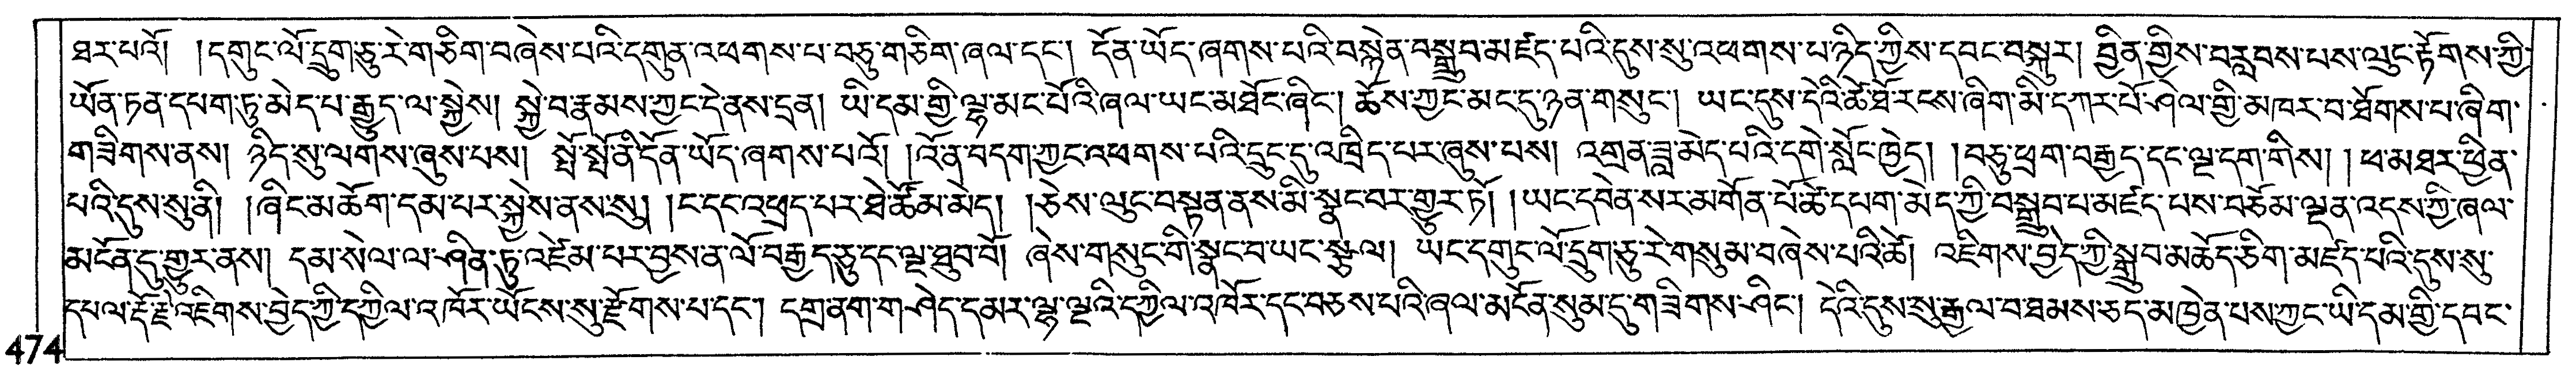ཐར་པའོ། །དགུང་ལོ་དྲུག་ཅུ་རེ་གཅིག་བཞེས་པའི་དགུན་འཕགས་པ་བཅུ་གཅིག་ཞལ་དང་། དོན་ཡོད་ཞགས་པའི་བསྙེན་བསྒྲུབ་མཛད་པའི་དུས་སུ་འཕགས་པ་ཉིད་ཀྱིས་དབང་བསྐུར། བྱིན་གྱིས་བརླབས་པས་ལུང་རྟོགས་ཀྱི་
ཡོན་ཏན་དཔག་ཏུ་མེད་པ་རྒྱུད་ལ་སྐྱེས། སྐྱེ་བ་རྣམས་ཀྱང་དེ་ནས་དྲན། ཡི་དམ་གྱི་ལྷ་མང་པོའི་ཞལ་ཡང་མཐོང་ཞིང་། ཆོས་ཀྱང་མང་དུ་ཉན་གསུང་། ཡང་དུས་དེའི་ཚེ་ཐོ་རངས་ཞིག་མི་དཀར་པོ་ཤེལ་གྱི་མཁར་བ་ཐོགས་པ་ཞིག་
གཟིགས་ནས། ཉིད་སུ་ལགས་ཞུས་པས། སྤོ་སྤོ་ནི་དོན་ཡོད་ཞགས་པའོ། །འོ་ན་བདག་ཀྱང་འཕགས་པའི་དྲུང་དུ་འཁྲིད་པར་ཞུས་པས། འགྲན་ཟླ་མེད་པའི་དགེ་སློང་ཁྱེད། །བཅུ་ཕྲག་བརྒྱད་དང་ལྔ་དག་གིས། །ཕ་མཐར་ཕྱིན་
པའི་དུས་སུ་ནི། །ཞིང་མཆོག་དམ་པར་སྐྱེས་ནས་སུ། །ང་དང་འཕྲད་པར་ཐེ་ཚོམ་མེད། །ཅེས་ལུང་བསྟན་ནས་མི་སྣང་བར་གྱུར་ཏོ། །ཡང་དབེན་སར་མགོན་པོ་ཚེ་དཔག་མེད་ཀྱི་བསྒྲུབ་པ་མཛད་པས་བཅོམ་ལྡན་འདས་ཀྱི་ཞལ་
མངོན་དུ་གྱུར་ནས། དམ་སེལ་ལ་ཤིན་ཏུ་འཛེམ་པར་བྱས་ན་ལོ་བརྒྱད་ཅུ་དང་ལྔ་ཐུབ་བོ། ཞེས་གསུང་གི་སྣང་བ་ཡང་སྩལ། ཡང་དགུང་ལོ་དྲུག་ཅུ་རེ་གསུམ་བཞེས་པའི་ཚེ། འཇིགས་བྱེད་ཀྱི་སྒྲུབ་མཆོད་ཅིག་མཛད་པའི་དུས་སུ་
དཔལ་རྡོ་རྗེ་འཇིགས་བྱེད་ཀྱི་དཀྱིལ་འཁོར་ཡོངས་སུ་རྫོགས་པ་དང་། དགྲ་ནག་གཤེད་དམར་ལྷ་ལྔའི་དཀྱིལ་འཁོར་དང་བཅས་པའི་ཞལ་མངོན་སུམ་དུ་གཟིགས་ཤིང་། དེའི་དུས་སུ་རྒྱལ་བ་ཐམས་ཅད་མཁྱེན་པས་ཀྱང་ཡི་དམ་གྱི་དབང་